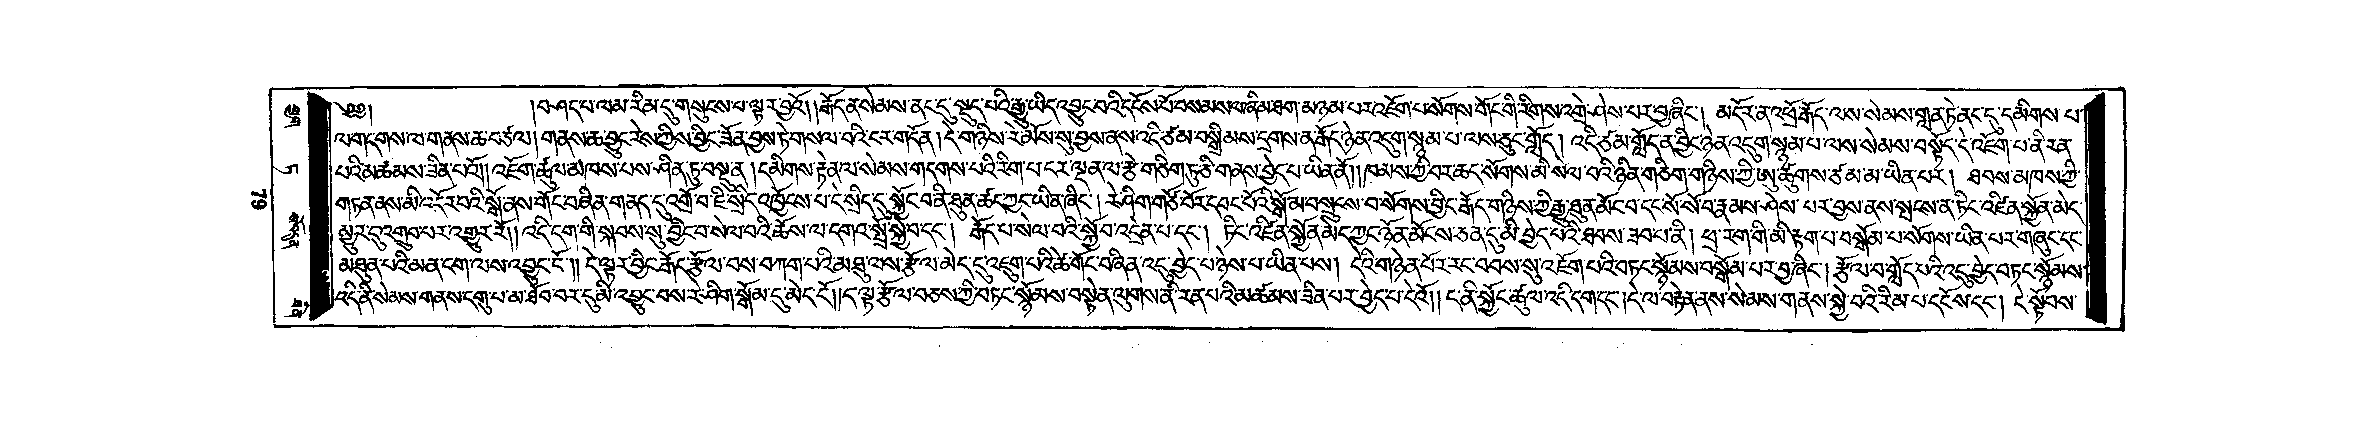༄༅། །བཤད་པ་ལམ་རིམ་དུ་གསུངས་པ་ལྟར་བྱའོ། །རྒོད་ན་སེམས་ནང་དུ་སྡུད་པའི་རྒྱུ་ཡིད་འབྱུང་བའི་དངོས་པོ་བསམས་ལ་ཞིམ་ཐག་མཉམ་པར་འཇོག་པ་སོགས་གོང་གི་རིགས་འགྲེ་ཤེས་པར་བྱ་ཞིང་། མདོར་ན་འཕྲོ་རྒོད་ལས་སེམས་གླན་ཏེ་ནང་དུ་དམིགས་པ་
ལ་གདགས་ལ་གནས་ཆ་བཙལ། གནས་ཆ་བྱུང་རེས་ཀྱིས་བྱིང་ཟོན་བྱས་ཏེ་གསལ་བའི་ངར་གདོན། དེ་གཉིས་རེ་མོས་སུ་བྱས་ནས་འདི་ཙམ་བསྒྲིམས་དྲགས་ན་རྒོད་ཉེན་འདུག་སྙམ་པ་ལས་ཅུང་གློད། འདི་ཙམ་གློད་ན་བྱིང་ཉེན་འདུག་སྙམ་པ་ལས་སེམས་བསྟོད་དེ་འཇོག་པ་ནི་རན་
པའི་མཚམས་ཟིན་པའོ། །འཇོག་ཚུལ་མཁས་པས་ཤིན་ཏུ་བསྡུ་ན། དམིགས་རྟེན་ལ་སེམས་གདགས་པའི་རིག་པ་ངར་ལྡན་ལ་རྩེ་གཅིག་ཏུ་ཅི་གནས་བྱེད་པ་ཡིན་ནོ། །ཁམས་ཀྱི་བར་ཆད་སོགས་མི་སེལ་བའི་ཉིན་གཅིག་གཉིས་ཀྱི་ཨུ་ཚུགས་ཙམ་མ་ཡིན་པར། ཐབས་མཁས་ཀྱི་
གཏན་ནས་མི་འདོར་བའི་སྒོ་ནས་གོང་བཞིན་གནད་དུ་འགྲོ་བ་ཇི་སྲིད་འཁྱོངས་པ་དེ་སྲིད་དུ་སྐྱོང་བ་ནི་ཐུན་ཚད་ཀྱང་ཡིན་ཞིང་། རེ་ཤིག་གཙོ་བོར་དབང་པོའི་སྒོ་མ་བསྲུངས་བ་སོགས་བྱིང་རྒོད་གཉིས་ཀྱི་རྒྱུ་ཐུན་མོང་བ་དང་སོ་སོ་བ་རྣམས་ཤེས་པར་བྱས་ནས་སྤངས་ན་ཏིང་འཛིན་སྐྱོན་མེད་
མྱུར་དུ་འགྲུབ་པར་འགྱུར་རོ། །འདི་དག་གི་སྐབས་སུ་བྱིང་བ་སེལ་བའི་ཆོས་ལ་དགའ་སྤྲོ་སྐྱེ་བ་དང་། རྒོད་པ་སེལ་བའི་སྐྱོ་བ་འདྲེན་པ་དང་། ཏིང་འཛིན་སྐྱོན་མེད་ཀྱང་ཉོན་མོངས་ཅན་དུ་མི་བྱེད་པའི་ཐབས་ཟབ་པ་ནི། ཕྲ་རག་གི་མི་རྟག་པ་བསྒོམ་པ་སོགས་ཡིན་པར་གཞུང་དང་
མཐུན་པའི་མན་ངག་ལས་འབྱུང་ངོ། །དེ་ལྟར་བྱིང་རྒོད་རྩོལ་བས་བཀག་པའི་མཐུ་ལས་རྩོལ་མེད་དུ་འཇུག་པའི་ཚེ་གོང་བཞིན་འདུ་བྱེད་པ་ཉེས་པ་ཡིན་པས། དེའི་གཉེན་པོར་རང་བབས་སུ་འཇོག་པའི་བཏང་སྙོམས་བསྒོམ་པར་བྱ་ཞིང་། རྩོལ་བ་གློད་པའི་འདུ་བྱེད་བཏང་སྙོམས་
འདི་ནི་སེམས་གནས་དགུ་པ་མ་ཐོབ་པར་དུ་མི་འབྱུང་བས་རེ་ཤིག་སྒོམ་དུ་མེད་དོ། །ད་ལྟ་རྩོལ་བཅས་ཀྱི་བཏང་སྙོམས་བསྟེན་ལུགས་ནི་རན་པའི་མཚམས་ཟིན་པར་བྱེད་པ་དེའོ། །ད་ནི་སྐྱོང་ཚུལ་འདི་དག་དང་། དེ་ལ་བརྟེན་ནས་སེམས་གནས་སྐྱེ་བའི་རིམ་པ་དངོས་དང་། དེ་སྟོབས་